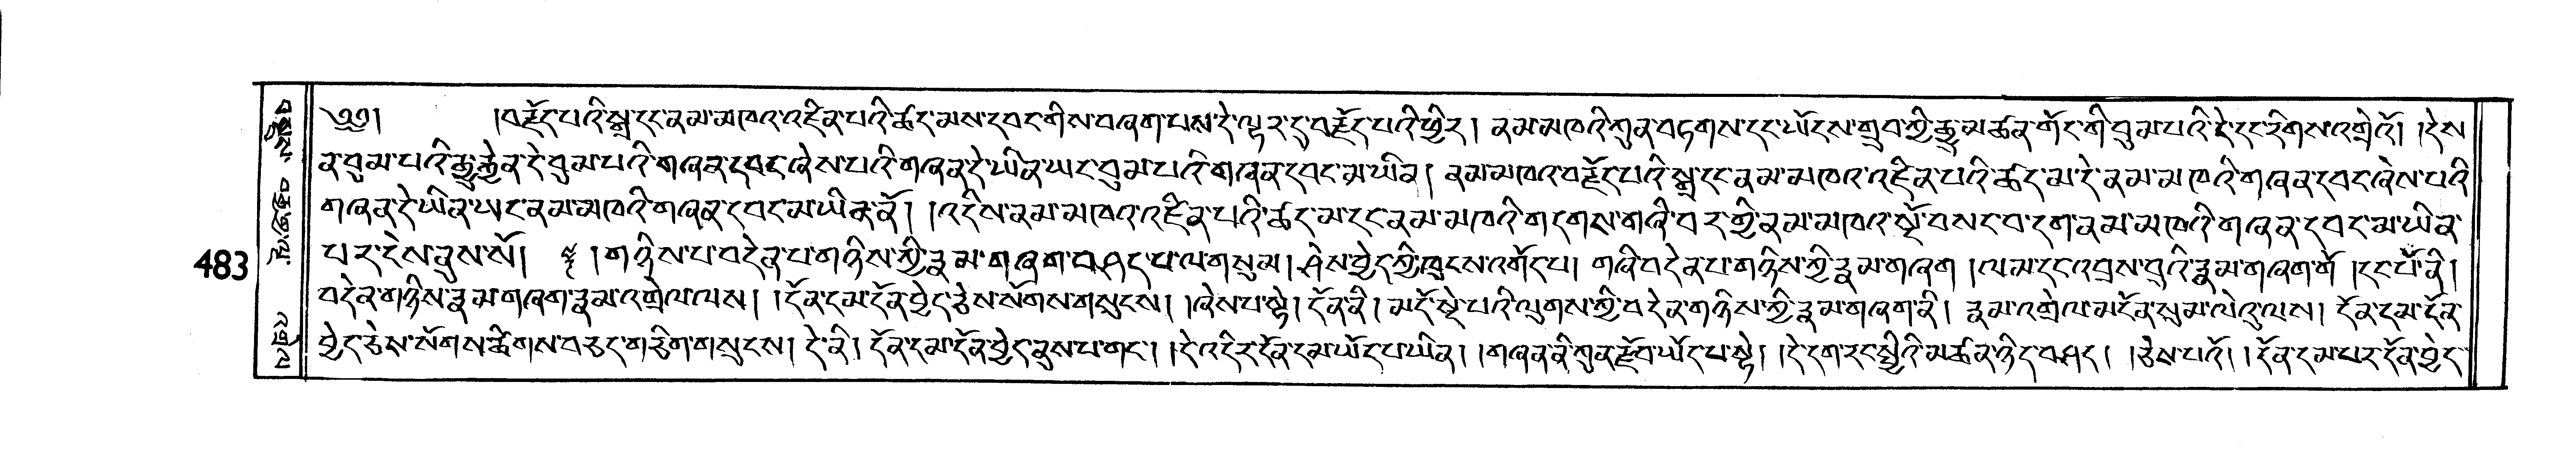༄༅། །བརྗོད་པའི་སྒྲ་དང་ནམ་མཁའ་འཛིན་པའི་ཚད་མས་དབང་གིས་བཞག་པས་དེ་ལྟར་དུ་བརྗོད་པའི་ཕྱིར། ནམ་མཁའི་ཀུན་བཏགས་དང་ཡོངས་གྲུབ་ཀྱི་རྒྱུ་མཚན་གོང་གི་བུམ་པའི་དེ་དང་རིགས་འགྲེའོ། །དེས་
ན་བུམ་པའི་རྒྱུ་རྐྱེན་དེ་བུམ་པའི་གཞན་དབང་ཞེས་པའི་གཞན་དེ་ཡིན་ཡང་བུམ་པའི་གཞན་དབང་མ་ཡིན། ནམ་མཁའ་བརྗོད་པའི་སྒྲ་དང་ནམ་མཁའ་འཛིན་པའི་ཚད་མ་དེ་ནམ་མཁའི་གཞན་དབང་ཞེས་པའི་
གཞན་དེ་ཡིན་ཡང་ནམ་མཁའི་གཞན་དབང་མ་ཡིན་ནོ། །འདིས་ནམ་མཁའ་འཛིན་པའི་ཚད་མ་དང་ནམ་མཁའི་གདགས་གཞི་བར་གྱི་ནམ་མཁའ་སྔོ་བསང་བ་དག་ནམ་མཁའི་གཞན་དབང་མ་ཡིན་
པར་ངེས་ནུས་སོ། ༈ །གཉིས་པ་བདེན་པ་གཉིས་ཀྱི་རྣམ་གཞག་བཤད་པ་ལ་གསུམ། ཤེས་བྱེད་ཀྱི་ཁུངས་འགོད་པ། གཞི་བདེན་པ་གཉིས་ཀྱི་རྣམ་གཞག །ལམ་དང་འབྲས་བུའི་རྣམ་གཞག་གོ། །དང་པོ་ནི།
བདེན་གཉིས་རྣམ་གཞག་རྣམ་འགྲེལ་ལས། །དོན་དམ་དོན་བྱེད་ཅེས་སོགས་གསུངས། །ཞེས་པ་སྟེ། དོན་ནི། མདོ་སྡེ་པའི་ལུགས་ཀྱི་བདེན་གཉིས་ཀྱི་རྣམ་གཞག་ནི། རྣམ་འགྲེལ་མངོན་སུམ་ལེའུ་ལས། དོན་དམ་དོན་
བྱེད་ཅེས་སོགས་ཚིགས་བཅད་གཅིག་གསུངས། དེ་ནི། དོན་དམ་དོན་བྱེད་ནུས་པ་གང་། །དེ་འདིར་དོན་དམ་ཡོད་པ་ཡིན། །གཞན་ནི་ཀུན་རྫོབ་ཡོད་པ་སྟེ། །དེ་དག་རང་སྤྱིའི་མཚན་ཉིད་བཤད། །ཅེས་པའོ། །དོན་དམ་པར་དོན་བྱེད་